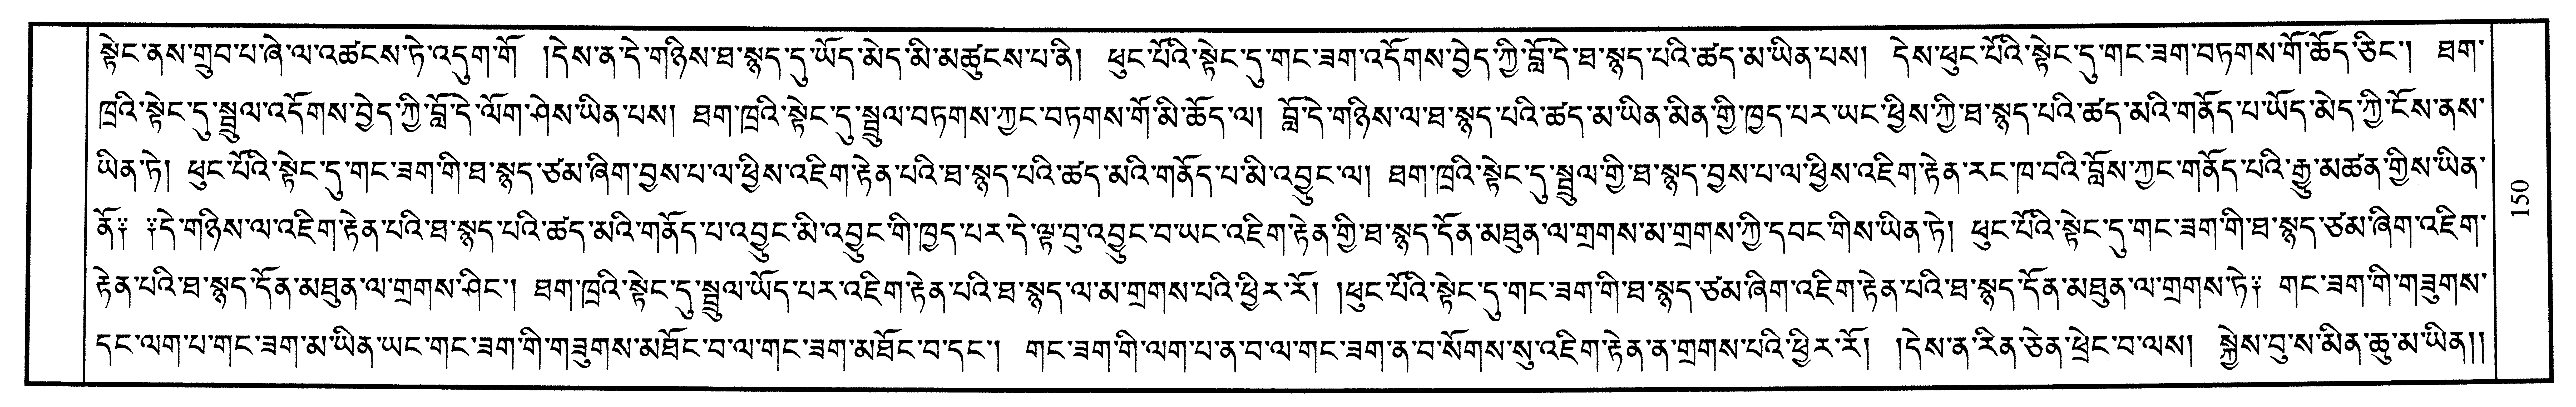སྟེང་ནས་གྲུབ་པ་ཞེ་ལ་འཚངས་ཏེ་འདུག་གོ །དེས་ན་དེ་གཉིས་ཐ་སྙད་དུ་ཡོད་མེད་མི་མཚུངས་པ་ནི། ཕུང་པོའི་སྟེང་དུ་གང་ཟག་འདོགས་བྱེད་ཀྱི་བློ་དེ་ཐ་སྙད་པའི་ཚད་མ་ཡིན་པས། དེས་ཕུང་པོའི་སྟེང་དུ་གང་ཟག་བཏགས་གོ་ཆོད་ཅིང་། ཐག་
ཁྲའི་སྟེང་དུ་སྦྲུལ་འདོགས་བྱེད་ཀྱི་བློ་དེ་ལོག་ཤེས་ཡིན་པས། ཐག་ཁྲའི་སྟེང་དུ་སྦྲུལ་བཏགས་ཀྱང་བཏགས་གོ་མི་ཆོད་ལ། བློ་དེ་གཉིས་ལ་ཐ་སྙད་པའི་ཚད་མ་ཡིན་མིན་གྱི་ཁྱད་པར་ཡང་ཕྱིས་ཀྱི་ཐ་སྙད་པའི་ཚད་མའི་གནོད་པ་ཡོད་མེད་ཀྱི་ངོས་ནས་
ཡིན་ཏེ། ཕུང་པོའི་སྟེང་དུ་གང་ཟག་གི་ཐ་སྙད་ཙམ་ཞིག་བྱས་པ་ལ་ཕྱིས་འཇིག་རྟེན་པའི་ཐ་སྙད་པའི་ཚད་མའི་གནོད་པ་མི་འབྱུང་ལ། ཐག་ཁྲའི་སྟེང་དུ་སྦྲུལ་གྱི་ཐ་སྙད་བྱས་པ་ལ་ཕྱིས་འཇིག་རྟེན་རང་ཁ་བའི་བློས་ཀྱང་གནོད་པའི་རྒྱུ་མཚན་གྱིས་ཡིན་
ནོ༑ ༑དེ་གཉིས་ལ་འཇིག་རྟེན་པའི་ཐ་སྙད་པའི་ཚད་མེད་མའི་གནོད་པ་འབྱུང་མི་འབྱུང་གི་ཁྱད་པར་དེ་ལྟ་བུ་འབྱུང་བ་ཡང་འཇིག་རྟེན་གྱི་ཐ་སྙད་དོན་མཐུན་ལ་གྲགས་མ་གྲགས་ཀྱི་དབང་གིས་ཡིན་ཏེ། ཕུང་པོའི་སྟེང་དུ་གང་ཟག་གི་ཐ་སྙད་ཙམ་ཞིག་འཇིག་
རྟེན་པའི་ཐ་སྙད་དོན་མཐུན་ལ་གྲགས་ཤིང་། ཐག་ཁྲའི་སྟེང་དུ་སྦྲུལ་ཡོད་པར་འཇིག་རྟེན་པའི་ཐ་སྙད་ལ་མ་གྲགས་པའི་ཕྱིར་རོ། །ཕུང་པོའི་སྟེང་དུ་གང་ཟག་གི་ཐ་སྙད་ཙམ་ཞིག་འཇིག་རྟེན་པའི་ཐ་སྙད་དོན་མཐུན་ལ་གྲགས་ཏེ༑ གང་ཟག་གི་གཟུགས་
དང་ལག་པ་གང་ཟག་མ་ཡིན་ཡང་གང་ཟག་གི་གཟུགས་མཐོང་བ་ལ་གང་ཟག་མཐོང་བ་དང་། གང་ཟག་གི་ལག་པ་ན་བ་ལ་གང་ཟག་ན་བ་སོགས་སུ་འཇིག་རྟེན་ན་གྲགས་པའི་ཕྱིར་རོ། །དེས་ན་རིན་ཅེན་ཝྥྲེང་བ་ལས། སྐྱེས་བུ་ས་མིན་ཆུ་མ་ཡིན།།